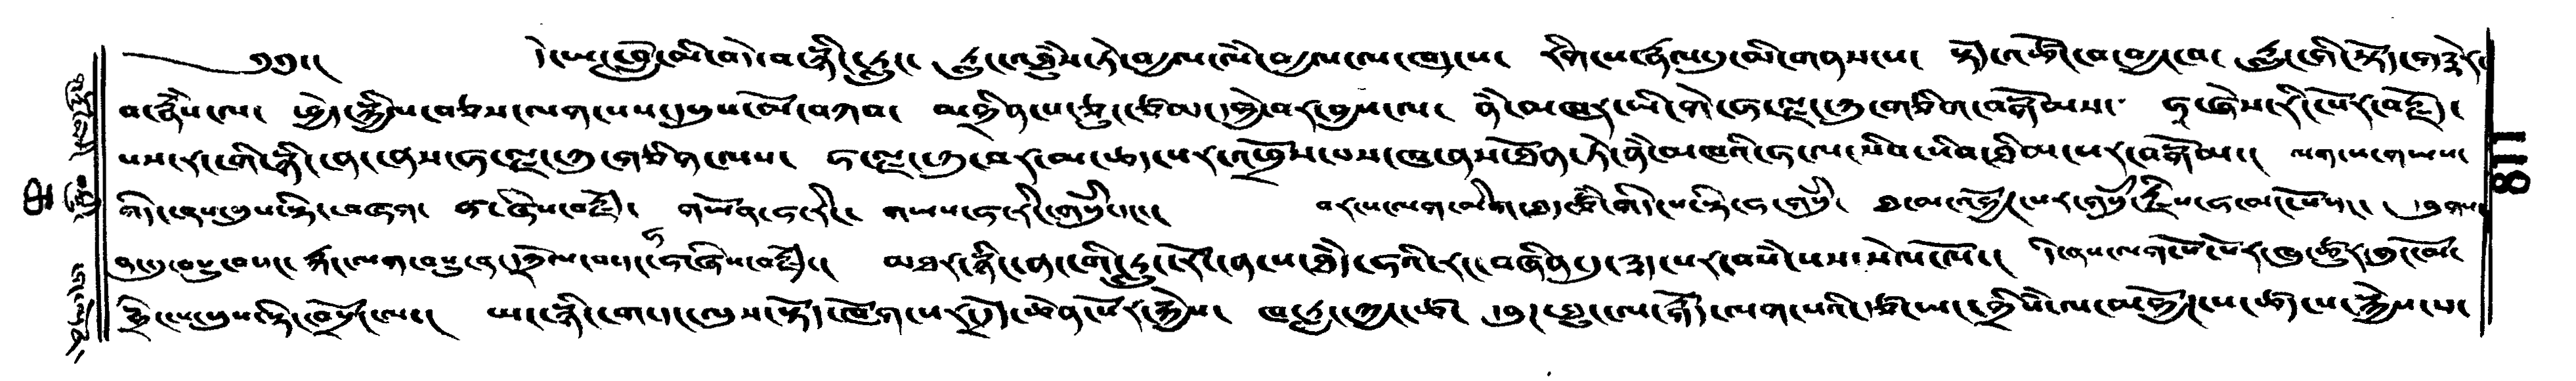དེ་ཡང་བློ་མི་བདེ་བ་སྙིང་རླུང་། རླུང་འཐུམས་ཏེ་བརྒྱལ་ལམ་བརྒྱལ་ལ་ཁད་པ། རིག་པ་རྣལ་དུ་མི་གནས་པ། སྟོད་འཚངས་བ། བརྒྱང་བ། རླུང་གི་སྟོད་གཟེར་
བ་རྣམས་ལ། ཕྱེད་སྐྱིལ་བཅས་ལག་པས་དཔུས་མོ་བཀབ། མགྲིན་པ་ཅུང་ཙམ་དགྱེ་བར་བྱས་ལ། ནམ་མཁར་ཡི་གེ་ཧ་ལྗང་ཁུ་གཅིག་བསྒོམས། ཧཱ་ཞེས་རིང་པོར་བརྗོད་
པས་རང་གི་སྙིང་ནང་ནས་ཧ་ལྗང་ཁུ་གཅིག་ལས། ཧ་ལྗང་ཁུ་བར་མ་ཆད་པར་འཕྲོས་པས་ཁ་ནས་ཐོན་ཏེ་ནམ་མཁའི་ལྷ་ལ་སིབ་སིབ་ཐིམ་པར་བསྒོམ། ལག་པ་གཡས་
གདེངས་ནས་པུས་སྟེང་བཞག ཧ་ཞེས་བརྗོད། གཡོན་ཧ་རིང་། གཡས་ཧ་རིང་གསུམ་དང་། བར་པ་ལག་མིག་ཐད་ཙམ་གདེངས་སྟེ་ཧ་གསུམ། ཐ་མ་འགྱོགས་པར་གསུམ། རྗེས་ཧ་མང་པོ་དང་། དབུགས་
ནང་དུ་བསྡུ་བ་དང་རྐང་ལག་བསྡུ་ན་དཀྲོལ་བ་དང་ཧ་ཧ་ཞེས་བརྗོད། མཐར་སྙིང་ནང་གི་རླུང་རོ་ངན་པ་ཐམས་ཅད་ཧའི་རང་བཞིན་དུ་ཟད་པར་བསམ་པས་སེལ་ལོ། དེ་ནས་ལག་སོ་སོར་ཁུ་ཚུར་གུང་མོ་
སྒྲེངས་པ་པུས་སྟེང་བསྲོང་ལ། ཡང་སྙིང་ག་དང་ལུས་སྟོད་ཁོག་པར་དྲོད་ཆེན་པོ་སྐྱེ། ཁ་རླངས་ཀྱང་ཚ། དབུགས་ཐུང་ལ་རྒོད། ལག་པའི་རྩ་ཡང་གྲིམས་ལ་མགྱོགས་པ་ཚད་པ་སྐྱེས་པ་